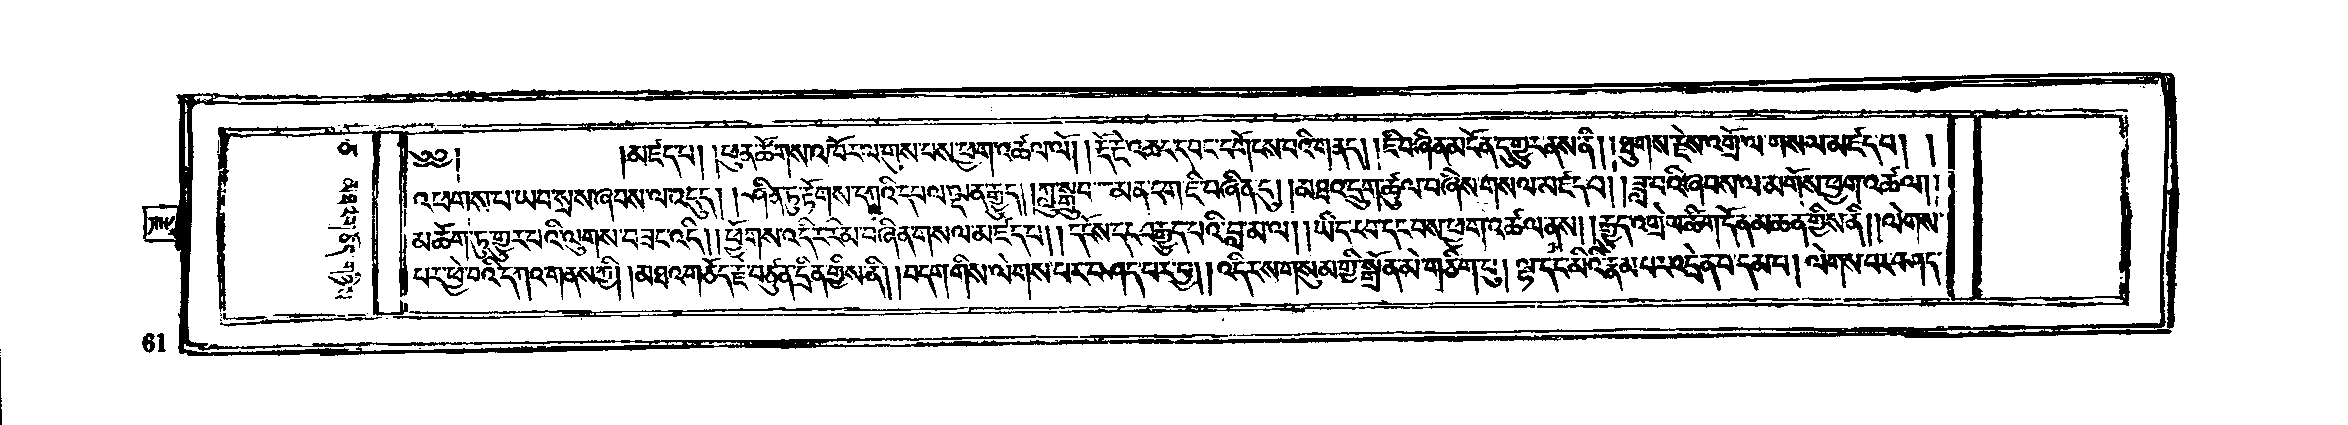༄༅། །མཛད་པ། །ཕུན་ཚོགས་འཁོར་ལ་གུས་པས་ཕྱག་འཚལ་ལོ། །རྡོ་རྗེ་འཆང་དབང་དགོངས་པའི་གནད། །ཇི་བཞིན་མངོན་དུ་གྱུར་ནས་ནི། །ཐུགས་རྗེས་འགྲོ་ལ་གསལ་མཛད་པ། །
འཕགས་པ་ཡབ་སྲས་ཞབས་ལ་འདུད། །ཤིན་ཏུ་རྟོགས་དཀའི་དཔལ་ལྡན་རྒྱུད། །ཀླུ་སྒྲུབ་མན་ངག་ཇི་བཞིན་དུ། །མཐའ་དྲུག་ཚུལ་བཞིས་གསལ་མཛད་པ། །ཟླ་བའི་ཞབས་ལ་མགོས་ཕྱག་འཚལ། །
མཆོག་ཏུ་གྱུར་པའི་ལུགས་བཟང་འདི། །ཕྱོགས་འདིར་རིམ་བཞིན་གསལ་མཛད་པ། །དངོས་དང་བརྒྱུད་པའི་བླ་མ་ལ། །ཡིད་རབ་དང་བས་ཕྱག་འཚལ་ནས། །རྒྱུད་འགྲེལ་ཚིག་དོན་མཚན་གྱིས་ནི། །ལེགས་
པར་ཕྱེ་བའི་དཀའ་གནས་ཀྱི། །མཐའ་གཅོད་རྗེ་བཙུན་དྲིན་གྱིས་ནི། །བདག་གིས་ལེགས་པར་བཤད་པར་བྱ། །འདིར་ས་གསུམ་གྱི་སྒྲོན་མེ་གཅིག་པུ། ལྷ་དང་མིའི་རྣམ་པར་འདྲེན་པ་དམ་པ། ལེགས་པར་བཤད་